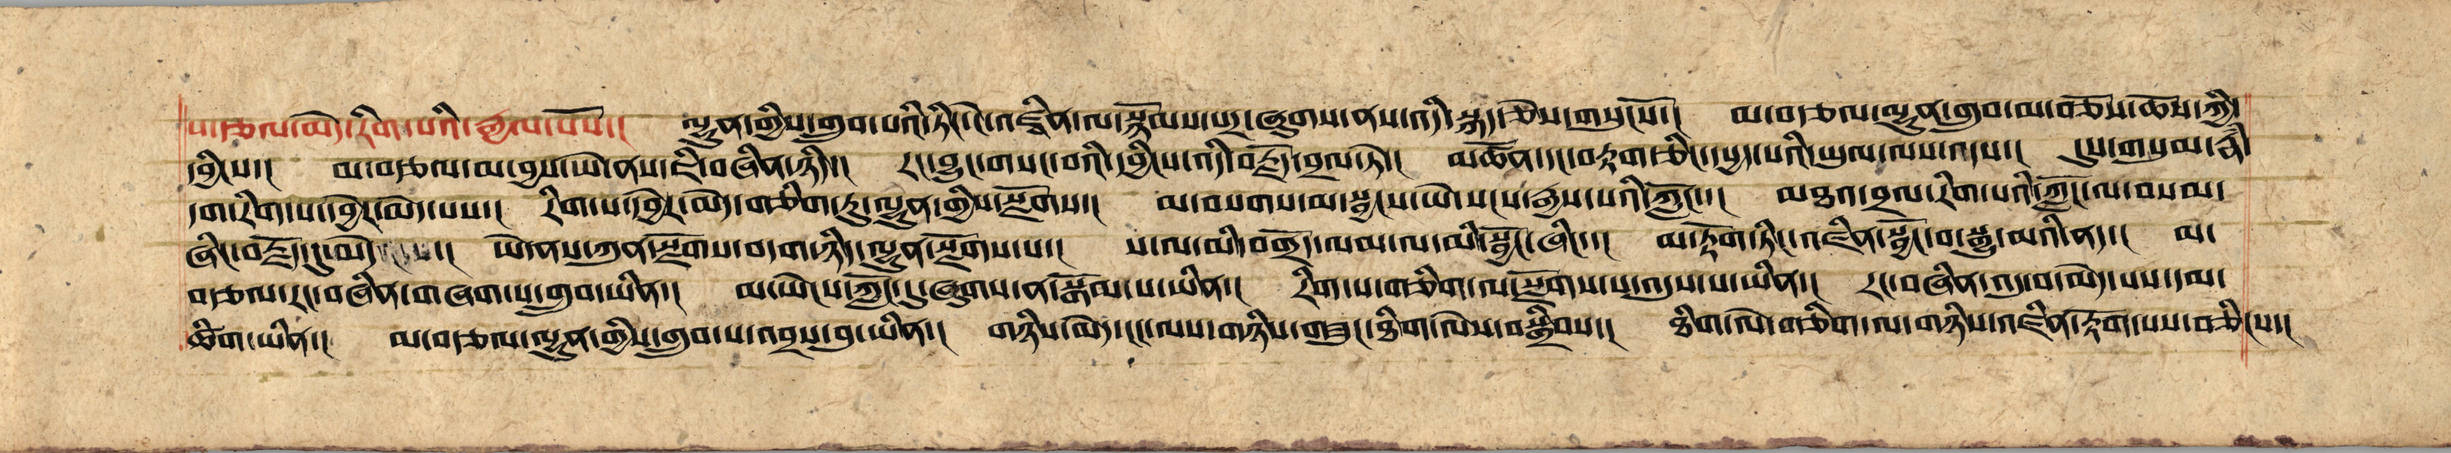ས་རྩལ་མེད་རིག་པའི་རྒྱལ་པོས་། ལྷུན་གྱིས་གྲུབ་པའི་ཏིང་ངེ་འཛིན་ལ་སྙོམས་པར་ཞུགས་ནས་འདི་སྐད་ཅེས་གསུངསོ་། མ་བརྩལ་ལྷུན་གྲུབ་མ་བཅོས་ཆོས་ཀྱི་
དབྱིངས་། མ་བརྩལ་མ་བྱས་ཡེ་ནས་ཇི་བཞིན་ཉིད་། རང་བྱུང་གསང་བའི་དབྱིངས་འདི་བརྗོད་བྲལ་ཏེ་། མཚོན་དང་བརྟག་ཅིང་དཔྱད་པའི་ཡུལ་ལས་འདས་། དུས་གསུམ་རྣཾ་
དག་རིག་པ་དབྱེར་མེད་པས་། རིག་པ་དབྱེར་མེད་གཅིག་ཏུ་ལྷུན་གྱིས་སྫོགས་། མ་བསགས་མ་སྦྱངས་ཡེ་སངས་རྒྱས་པའི་ཀློང་་། མཐའ་བྲལ་རིག་པའི་ཀློང་ལ་བསམ་
ཞིང་བརྗོད་དུ་མེད་། ཡེ་ནས་ཀུན་སྫོགས་བདག་ཉིད་ལྷུན་སྫོགས་པ་། ས་ལ་མི་བགྲོད་ལམ་ལ་མི་སྦྱོང་ཞིང་་། མ་རྟོག་ཏིང་འཛིན་སྦྱོང་བ་སྒྱུ་མའི་ནད་། མ་
བརྩལ་རང་བཞིན་གཞག་པ་གྲུབ་ཡིན་། མ་ཡེངས་ཀློང་དུ་ཞུགས་ན་སྒོམ་པ་ཡིན་། རིག་པ་གཅིག་ལ་སྫོགས་པ་འདུས་པ་ཡིན་། རང་བཞིན་འདུ་བ་མེད་པས་དམ་
ཚིག་ཡིན་། མ་བརྩལ་ལྷུན་གྱིས་གྲུབ་པ་འབྲས་བུ་ཡིན་། གཉིས་མེད་ངང་ལས་གཉིས་གཟུང་ཐིག་ལེས་བསྒྲིབས་། ཐིག་ལེ་གཅིག་ལ་གཉིས་འཛིན་རྟོག་པས་བཅིངས་།